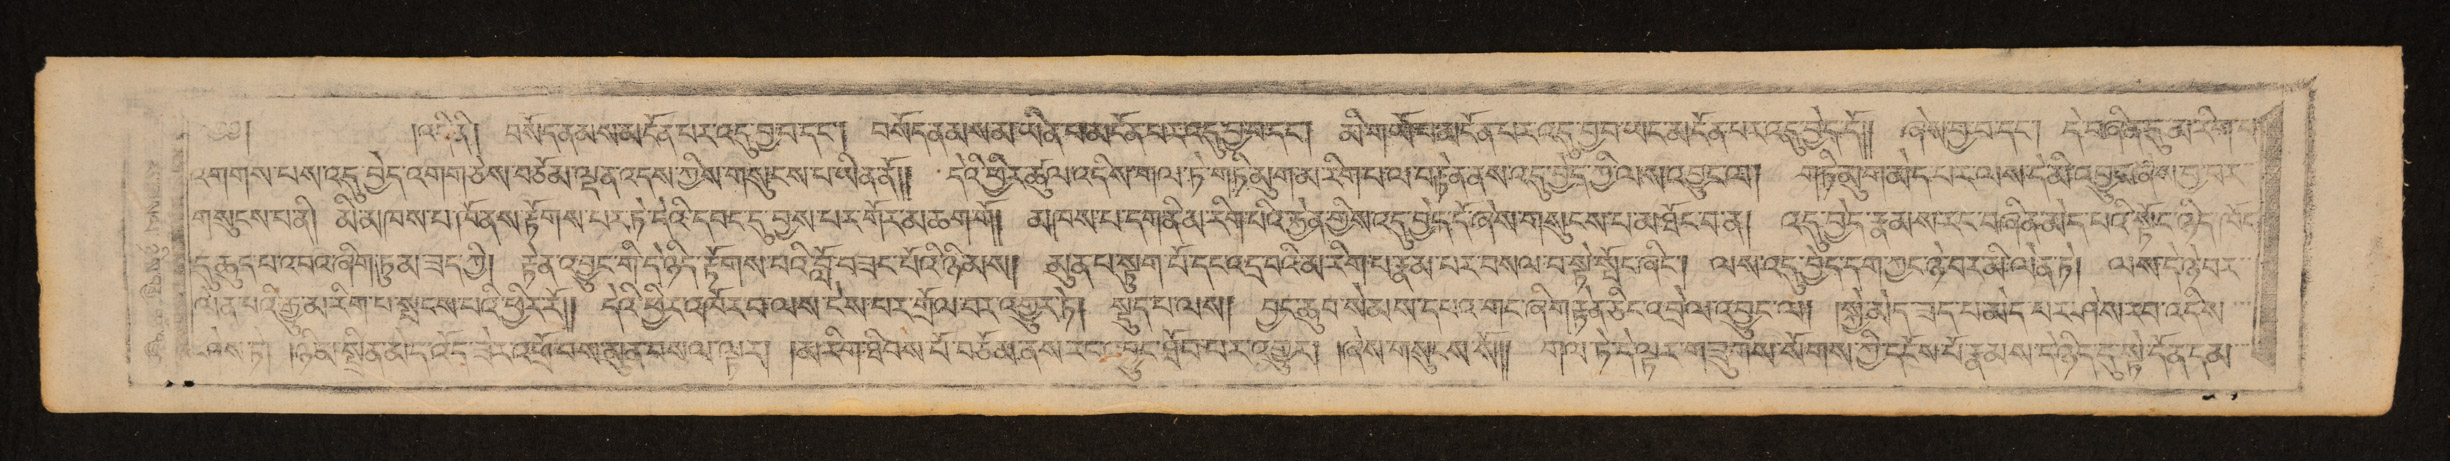༄༅། །འདི་ནི། བསོད་ནམས་མངོན་པར་འདུ་བྱ་བ་དང་། བསོད་ནམས་མ་ཡིན་པ་མངོན་པར་འདུ་བྱ་བ་དང་། མི་གཡོ་བ་མངོན་པར་འདུ་བྱ་བ་ཡང་མངོན་པར་འདུ་བྱེད་དོ།། ཞེས་བྱ་བ་དང་། དེ་བཞིན་དུ་མ་རིག་པ་
འགགས་པས་འདུ་བྱེད་འགག་ཅེས་བཅོམ་ལྡན་འདས་ཀྱིས་གསུངས་པ་ཡིན་ནོ།། དེའི་ཕྱིར་ཚུལ་འདིས་གལ་ཏེ་གཏི་མུག་མ་རིག་པ་ལ་བརྟེན་ནས་འདུ་བྱེད་ཀྱི་ལས་འབྱུང་ལ། གཏི་མུག་མེད་པར་ལས་དེ་མི་འབྱུང་ཞེས་བྱ་བར་
གསུངས་པ་ནི། མི་མཁས་པ་ཁོ་ནས་རྟོགས་པར་ཏེ་དེའི་དབང་དུ་བྱས་བར་གོར་མ་ཆག་གོ། མཁས་པ་དག་ནི་མ་རིག་པའི་རྐྱེན་གྱིས་འདུ་བྱེད་དོ་ཞེས་གསུངས་པ་མཐོང་བ་ན། འདུ་བྱེད་རྣམས་རང་བཞིན་མེད་པའི་སྟོང་ཉིད་ཁོང་
དུ་ཆུད་པ་འབའ་ཞིག་ཏུ་མ་ཟད་ཀྱི། རྟེན་འབྱུང་གི་དེ་ཉིད་རྟོགས་པའི་བློ་བཟང་པོའི་ཉི་མས། མུན་པ་སྟུག་པོ་དང་འདྲ་བའི་མ་རིག་པ་རྣམ་པར་བསལ་བ་སྟེ་སྤོང་ཞིང་། ལས་འདུ་བྱེད་དག་ཀྱང་ཉེ་བར་མི་ལེན་ཏེ། ལས་དེ་ཉེ་བར་
ལེན་པའི་རྒྱུ་མ་རིག་པ་སྤངས་པའི་ཕྱིར་རོ།། དེའི་ཕྱིར་འཁོར་བ་ལས་ངེས་པར་གྲོལ་བར་འགྱུར་ཏེ། སྡུད་པ་ལས། བྱང་ཆུབ་སེམས་དཔའ་གང་ཞིག་རྟེན་ཅིང་འབྲེལ་འབྱུང་ལ། །སྐྱེ་མེད་ཟད་པ་མེད་པར་ཤེས་རབ་འདིས་
ཤེས་ཏེ། །ཉི་མ་སྤྲིན་མེད་འོད་ཟེར་འཕྲོ་བས་མུན་བསལ་ལྟར། །མ་རིག་ཐིབས་པོ་བཅོམ་ནས་རང་འབྱུང་ཐོབ་པར་འགྱུར། །ཞེས་གསུངས་སོ།། གལ་ཏེ་དེ་ལྟར་གཟུགས་སོགས་ཀྱི་དངོས་པོ་རྣམས་དེ་ཉིད་དུ་སྟེ་དོན་དམ་